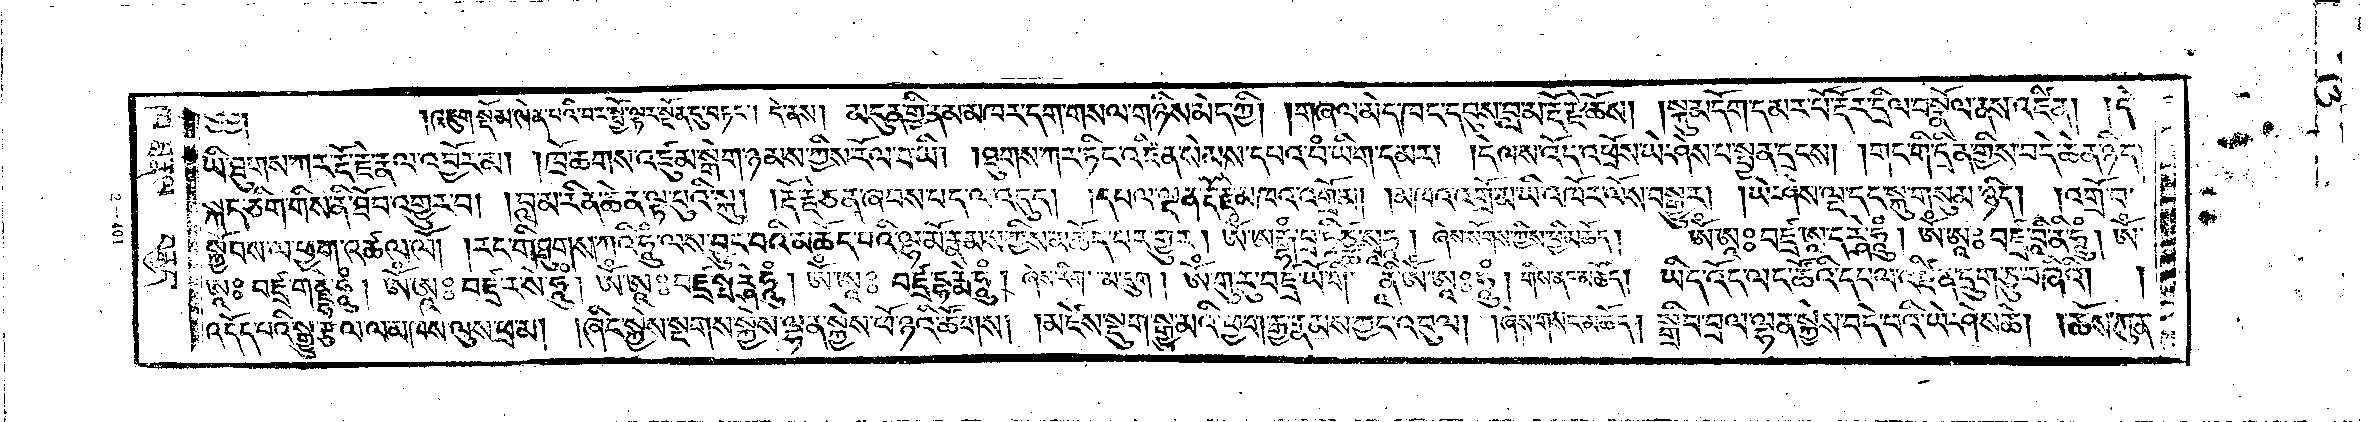༄༅། །འཇུག་སྡོམ་ལེན་པའི་བར་སྤྱོ་ལྟར་སྔོན་དུ་བཏང་། དེ་ནས།  མདུན་གྱི་ནམ་མཁར་དག་གསལ་གཉིས་མེད་ཀྱི། །གཞལ་མེད་ཁང་དབུས་བླ་མ་རྡོ་རྗེ་ཆོས། །སྐུ་མདོག་དམར་པོ་རྡོར་དྲིལ་བསྣོལ་ནས་འཛིན། །དེ་
ཡི་ཐུགས་ཀར་རྡོ་རྗེ་རྣལ་འབྱོར་མ། །ཁྲོ་ཆགས་འཛུམ་སྒེག་ཉམས་ཀྱིས་རོལ་བ་ཡི། །ཐུགས་ཀར་ཏིང་འཛིན་སེམས་དཔའ་བཾ་ཡིག་དམར། །དེ་ལས་འོད་འཕྲོས་ཡེ་ཤེས་པ་སྤྱན་དྲངས། །གང་གི་དྲིན་གྱིས་བདེ་ཆེན་ཉིད་
སྐད་ཅིག་གིས་ནི་ཐོབ་འགྱུར་བ། །བླ་མ་རིན་ཆེན་ལྟ་བུའི་སྐུ། །རྡོ་རྗེ་ཅན་ཞབས་པད་ལ་འདུད། །དཔལ་ལྡན་རྡོ་རྗེ་མཁའ་འགྲོ་མ། །མཁའ་འགྲོ་མ་ཡི་འཁོར་ལོས་བསྒྱུར། །ཡེ་ཤེས་ལྔ་དང་སྐུ་གསུམ་ཉིད། །འགྲོ་བ་
སྐྱོབས་ལ་ཕྱག་འཚལ་ལོ། །རང་གི་ཐུགས་ཀའི་ཧཱུཾ་ལས་བྱུང་བའི་མཆོད་པའི་ལྷ་མོ་རྣམས་ཀྱིས་མཆོད་པར་གྱུར། ཨོཾ་ཨརྒྷཾ་བྲ་ཏྲིཙྪ་སྭཱཧཱ། ཞེས་སོགས་ཀྱིས་ཕྱི་མཆོད།  ཨོཾ་ཨཱཿ བཛྲ་ཨཱ་ད་རྴེ་ཧཱུཾ། ཨོཾ་ཨཱཿ བཛྲ་བཱི་ནི་ཧཱུཾ། ཨོཾ་
ཨཱཿ བཛྲ་གནྡྷེ་ཧཱུཾ། ཨོཾ་ཨཱཿ བཛྲ་ར་སེ་ཧཱུཾ། ཨོཾ་ཨཱཿ བཛྲ་སྤ་རེཤ་ཧཱུཾ། ཨོཾ་ཨཱཿ བཛྲ་དྷ་རྨེ་ཧཱུཾ། ཞེས་རིག་མ་དྲུག །  ཨོཾ་གུ་རུ་བཛྲ་ཡོ་གི་ནི་ཨོཾ་ཨཱཿ ཧཱུཾ། གིས་ནང་མཆོད།  ཡིད་འོང་ལང་ཚོའི་དཔལ་འཛིན་དྲུག་ཅུ་བཞིའི། །
འདོད་པའི་སྒྱུ་རྩལ་ལ་མཁས་ལུས་ཕྲ་མ། །ཞིང་སྐྱེས་སྔགས་སྐྱེས་ལྷན་སྐྱེས་ཕོ་ཉའི་ཚོགས། །མཛེས་སྡུག་སྒྱུ་མའི་ཕྱག་རྒྱ་རྣམས་ཀྱང་འབུལ། །ཞེས་གསང་མཆོད།  སྒྲིབ་བྲལ་ལྷན་སྐྱེས་བདེ་བའི་ཡེ་ཤེས་ཆེ། །ཆོས་ཀུན་